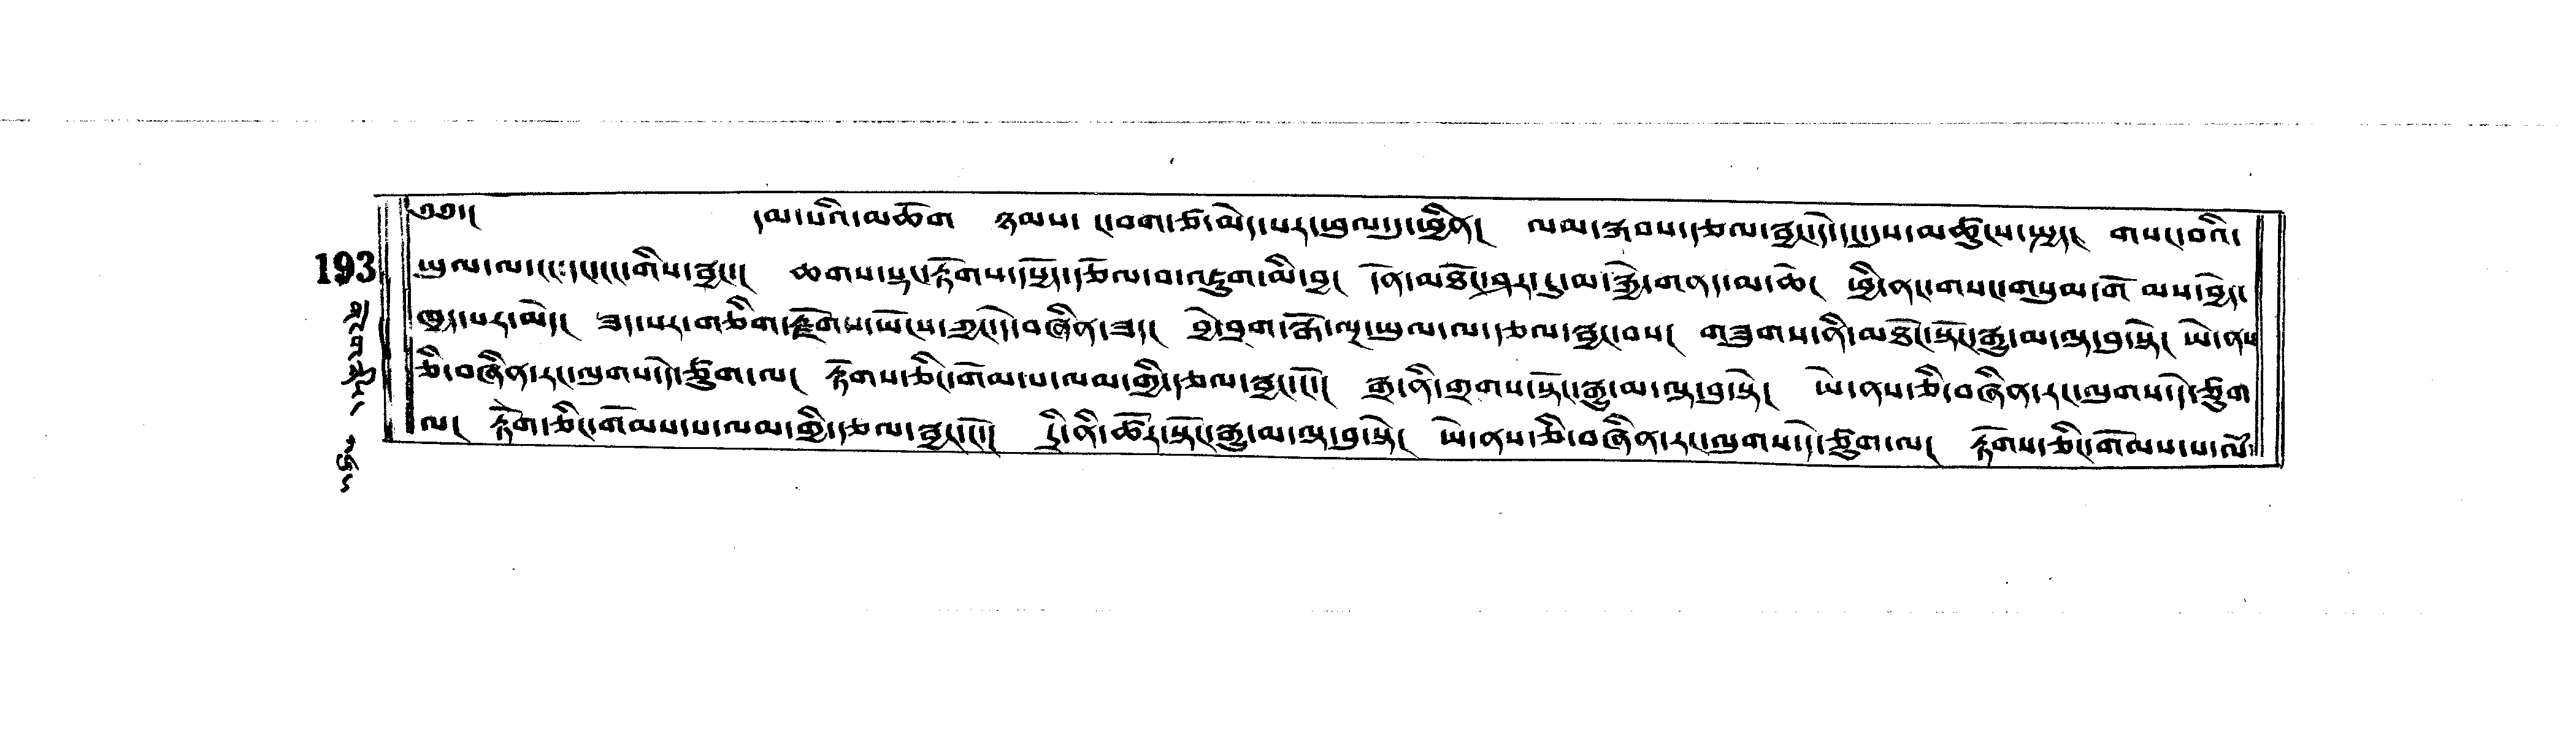དམ་པའི་མཆོག ཉམ་ང་བག་ཚ་མེད་པར་ཕུལ་དུ་ཕྱིན། ལམ་སྐབས་རྩལ་སྦྱང་དེ་དང་དུས་མཚུངས་སྤྱད། གསང་བའི་
ཡུལ་ལ་ངང་དང་ངང་གིས་སྦྱང་། ཆགས་སྡང་རྟོག་དཔྱོད་རྩོལ་བ་འཇུག་མི་བྱ། དོན་མཐོང་ཤར་དུ་མ་སྐྱེ་གནད་མ་ཆེ། ཕྱི་ནང་གསང་གསུམ་གོམས་བྱེད་
ཁྱད་པར་མེད། ཟད་པར་གཅིག་རྫོགས་ཡོངས་ཀྱང་དེ་བཞིན་ཟད། བྱེ་བྲག་སྒོ་ལྔ་ཡུལ་ལ་རྩལ་སྦྱང་བས། གཟུགས་ནི་མཐོང་སྟངས་སྒྱུ་མ་ལྟ་བུ་སྟེ། ཡེ་ནས་
ཅི་བཞིན་རང་ཚུགས་དེ་ཙུག་ལ། རྟོག་ཅིང་གོམས་པ་ལམ་གྱི་རྩལ་སྦྱང་ངོ་། སྒྲ་ནི་གྲགས་སྟོང་སྒྱུ་མ་ལྟ་བུ་སྟེ། ཡེ་ནས་ཅི་བཞིན་རང་ལུགས་དེ་ཙུག་
ལ། རྟོག་ཅིང་གོམས་པ་ལམ་གྱི་རྩལ་སྦྱང་ངོ་། དྲི་ནི་ཚོར་སྟོང་སྒྱུ་མ་ལྟ་བུ་སྟེ། ཡེ་ནས་ཅི་བཞིན་རང་ལུགས་དེ་ཙུག་ལ། རྟོགས་ཤིང་གོམས་པ་ལམ་